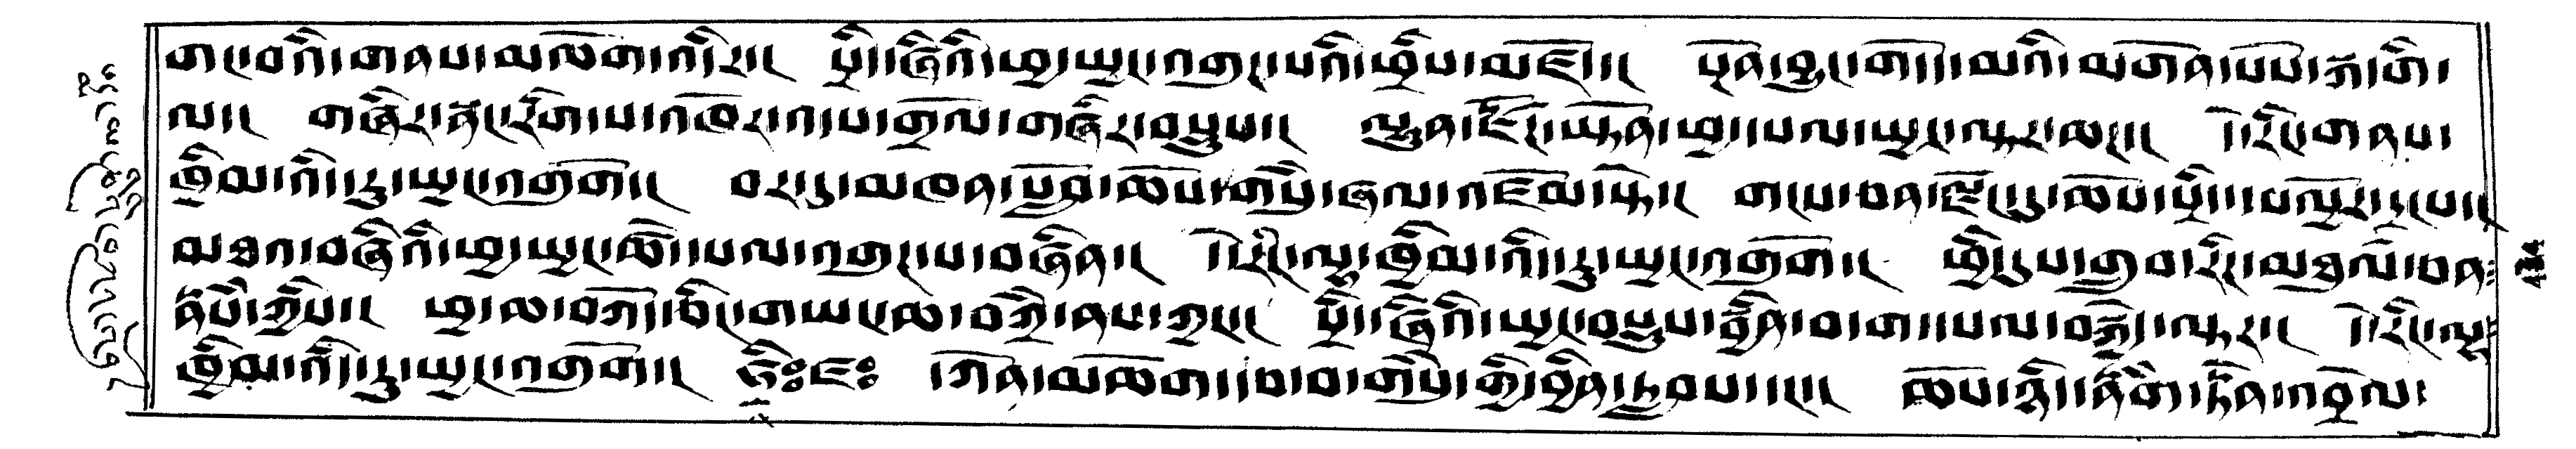གང་བའི་གནས་མཆོག་འདིར། །སྲིད་ཞིའི་ཕྱྭ་གཡང་འགུགས་པའི་ཕྲིན་ལས་མཛོད། །སྔོན་བྱུང་གདོད་མའི་མགོན་པོས་སྐད་ཅིག་
ལ། །གཞི་སྣང་རིག་པ་འཁོར་འདས་གྲོལ་གཞིར་བསྡུས། །ལྷུན་རྫོགས་ཡོན་ཏན་ཕྱྭ་དཔལ་གཡང་ལྟར་ཆགས། དེ་རིང་གནས་
ཁྱིམ་འདི་རུ་གཡང་འགུག་གོ།བར་དུ་མཁན་སློབ་ཆོས་གསུམ་ཞལ་འཛོམ་སྟེ། །གངས་ཅན་ལྗོངས་སུ་ཆོས་སྲིད་དཔལ་འབྱོར་དྲངས། །
མཐའ་བཞིའི་ཕྱྭ་གཡང་ཚེ་དཔལ་འགུགས་པ་བཞིན། །དེ་རིང་ལྷ་ཁྱིམ་འདི་རུ་གཡང་འགུག་གོ། །ཕྱི་དུས་གྲུབ་རིགས་མཐུ་རྩལ་ཅན་
རྣམས་ཀྱིས། །ཕྱྭ་ཆ་བཀོད་ཅིང་གཡང་ཆ་བཀྲམ་ནས་ཀྱང་། །སྲིད་ཞིའི་གཡང་བསྡུས་སྦྱིན་བདག་དཔལ་བསྐྱེད་ལྟར། །དེ་རིང་ལྷ་
ཁྱིམ་འདི་རུ་གཡང་འགུག་གོ། ཧྲཱིཿཛཿ དཀོན་མཆོག་རྩ་བ་གསུམ་གྱི་བྱིན་རླབས་དང་། ཆོས་ཉིད་རྣམ་དག་རྟེན་འབྲེལ་